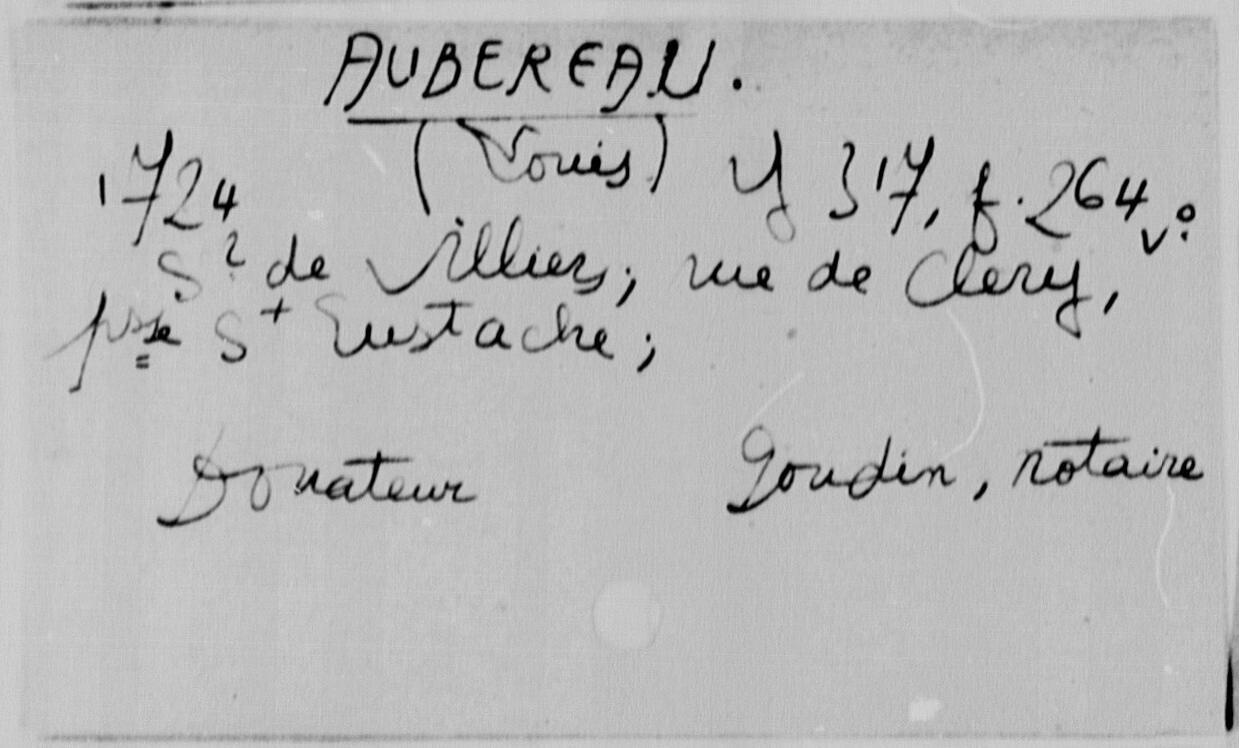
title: AUBEREAU (Louis)
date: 1724
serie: Y
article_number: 317
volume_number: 264v
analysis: Seigneur de Villiers, rue de Cléry, paroisse Saint-Eustache. Donateur. Goudin, notaire.
